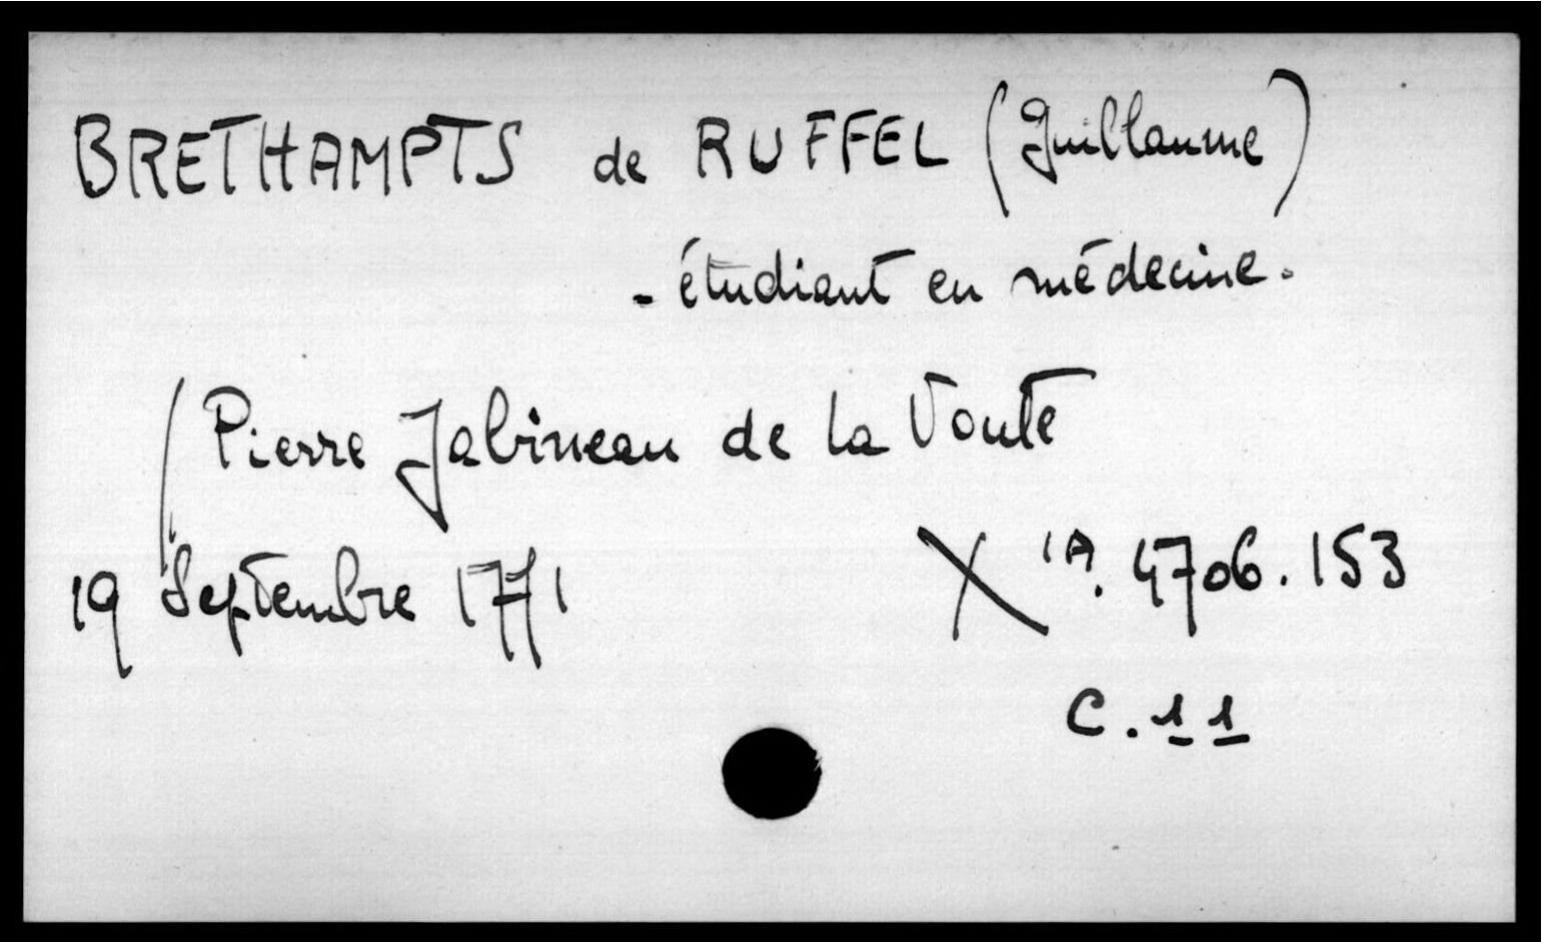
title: BRETHAMPTS de RUFFEL (Guillaume) - étudiant en médecine
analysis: Contre Pierre Jabineau de la Voute
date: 19 septembre 1771
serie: X1A
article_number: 4706
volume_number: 153 Conseil 11
